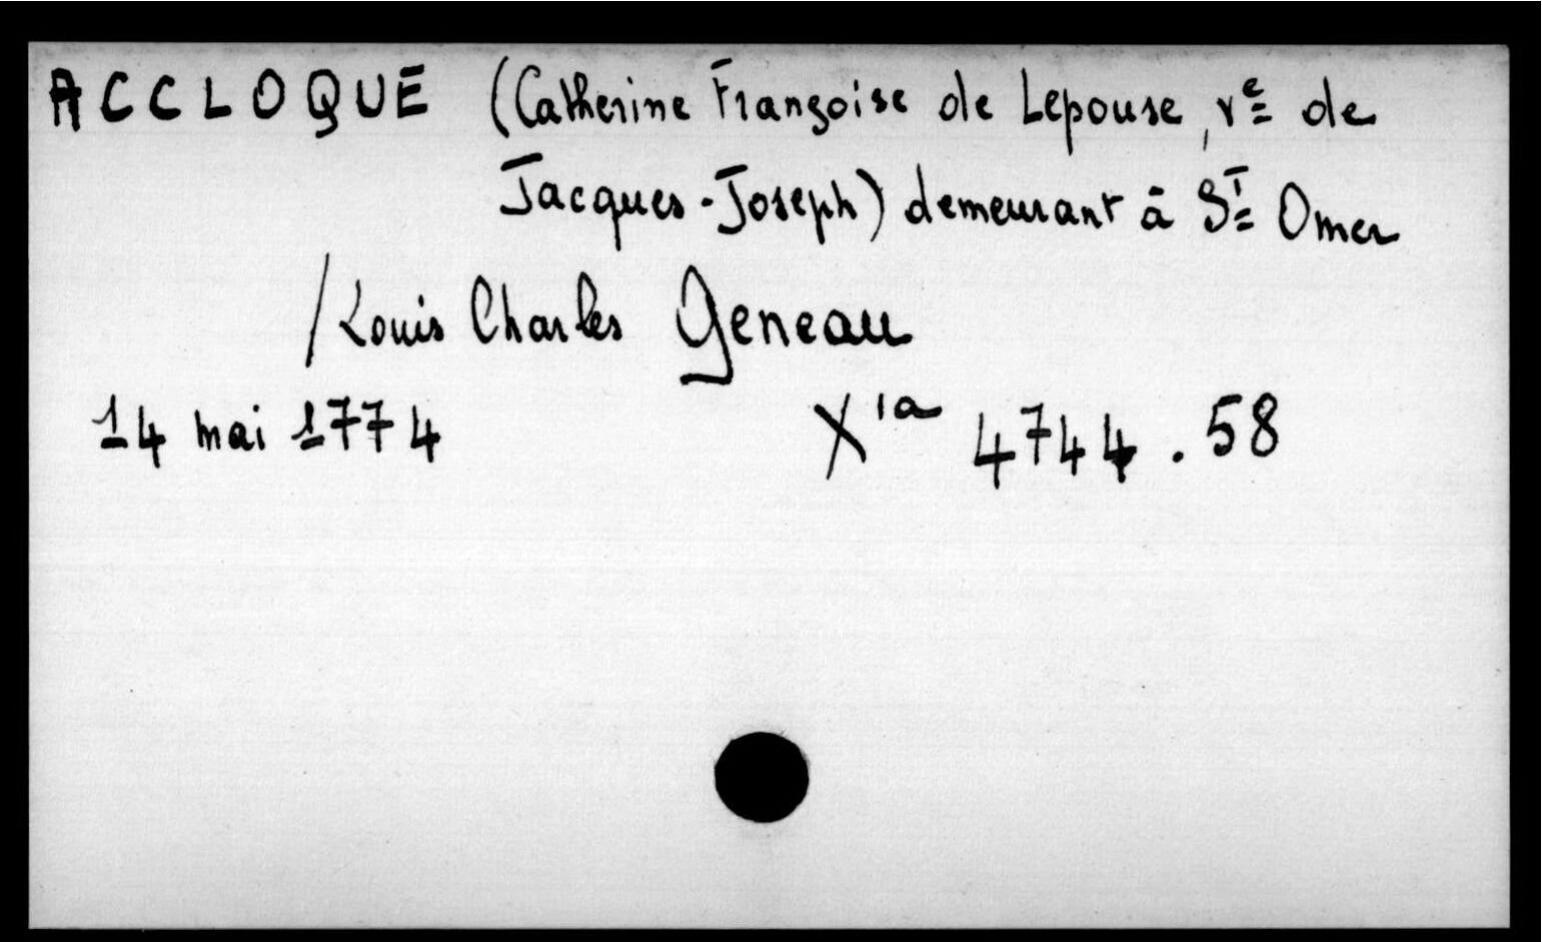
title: ACCLOQUE (Catherine Françoise de Lepouse, veuve de Jacques-Joseph) demeurant à Saint-Omer
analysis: Contre Louis Charles Geneau
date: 14 mai 1774
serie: X1a
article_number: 4744
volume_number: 58
